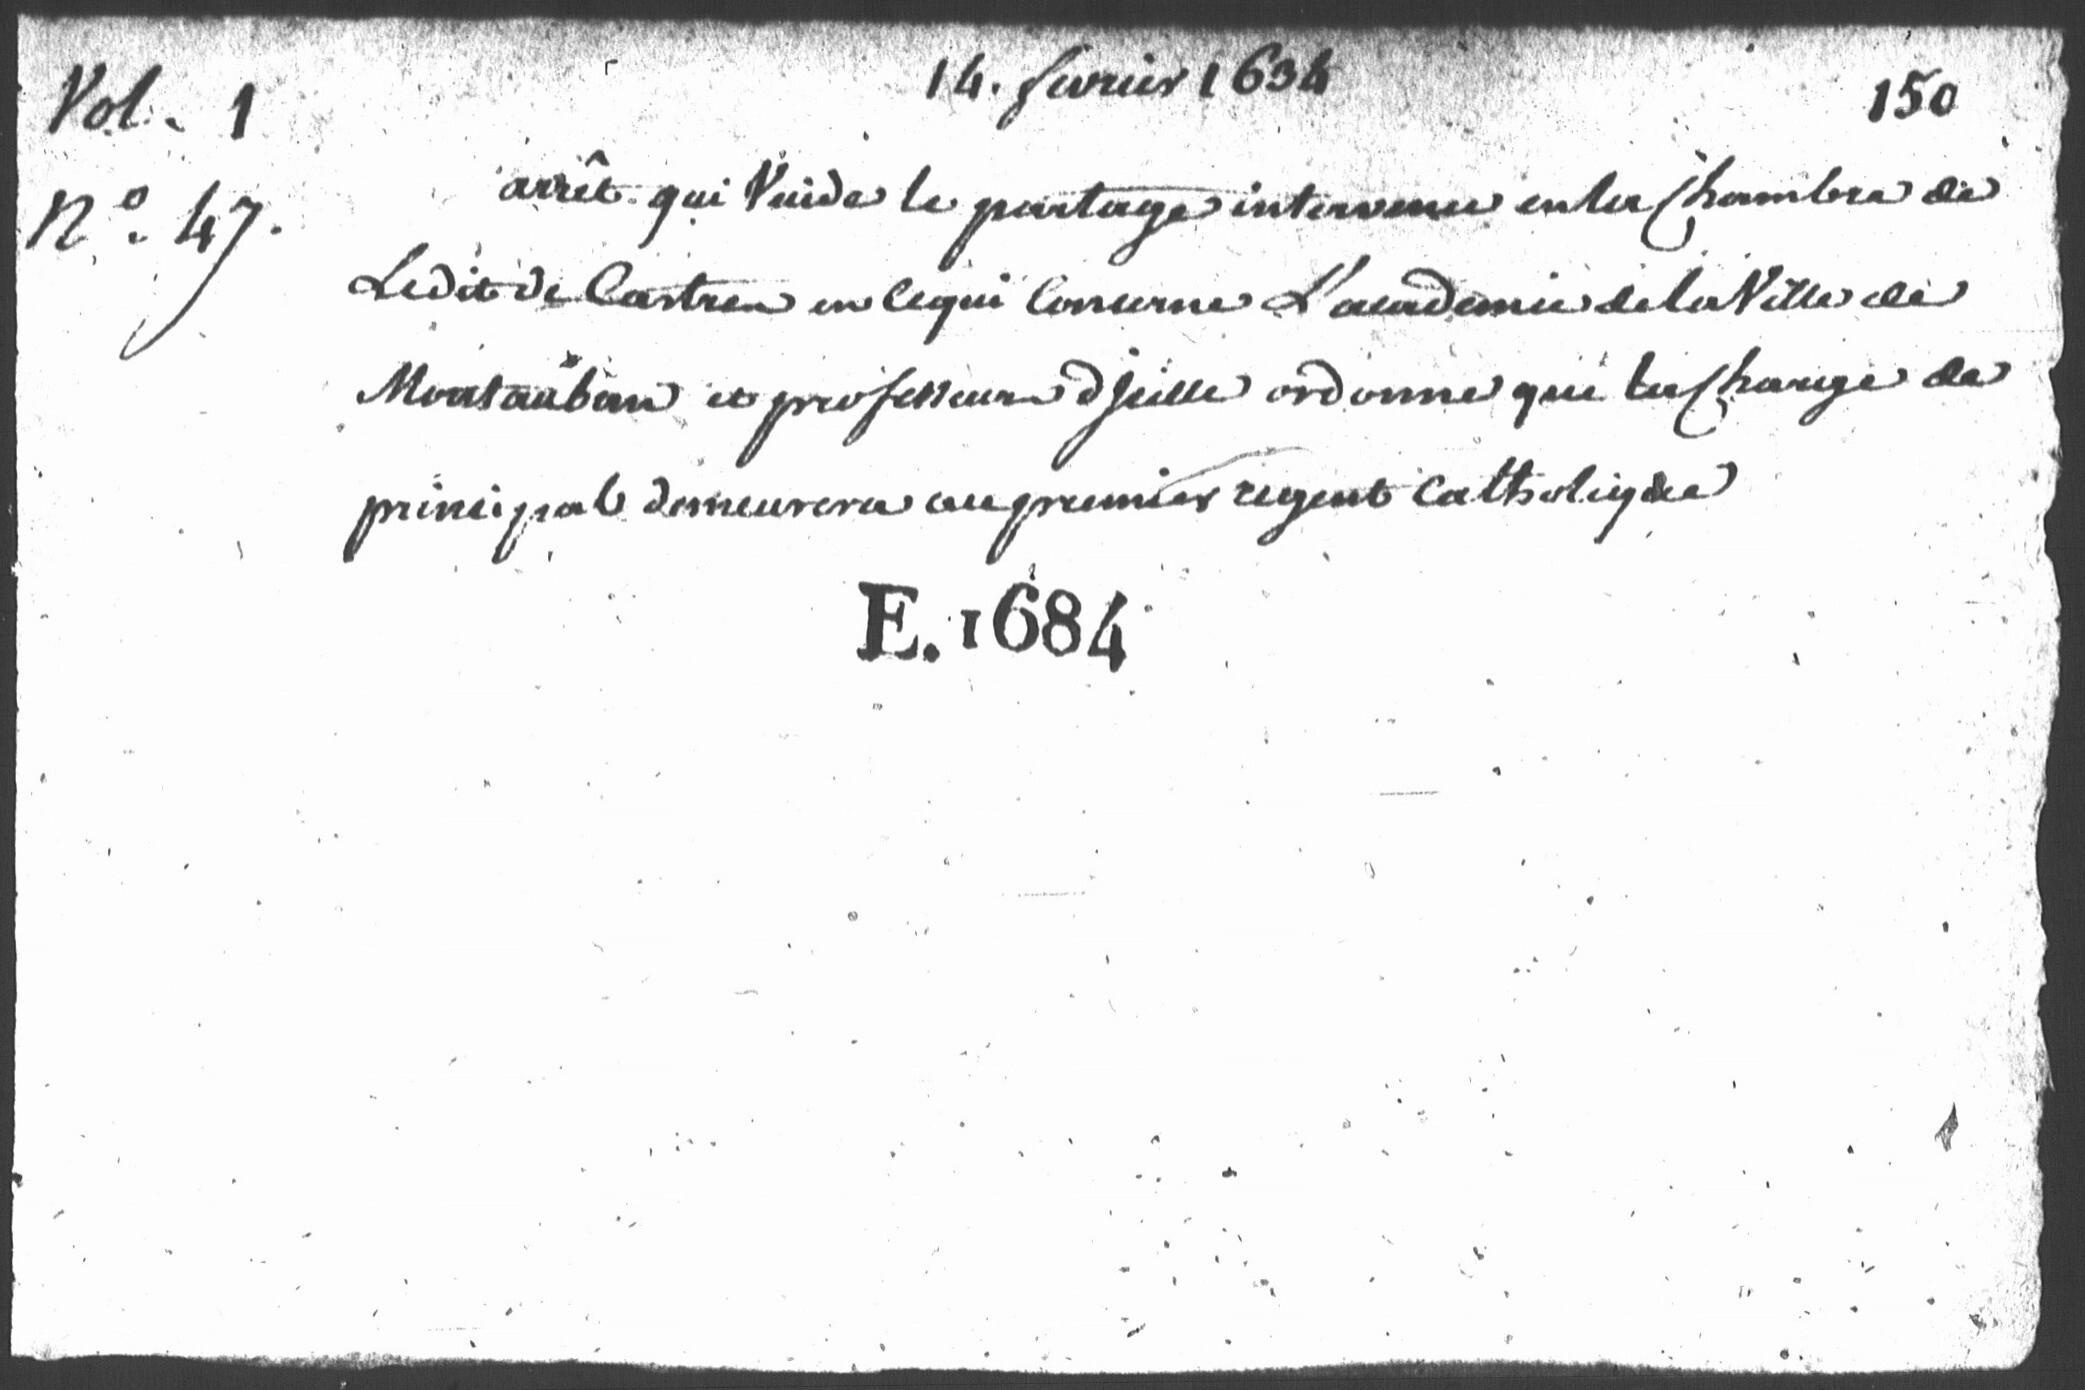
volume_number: n°47
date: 14 février 1634
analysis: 150
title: arrêt qui vuide le partage intervenu en la chambre de l'edit de Castres en ce qui concerne l'academie de la Ville de Montauban et professeurs d'icelle ordonne que la charge de principal demeurera au premier regent catholique
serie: E
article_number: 1684
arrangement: vol. 1
